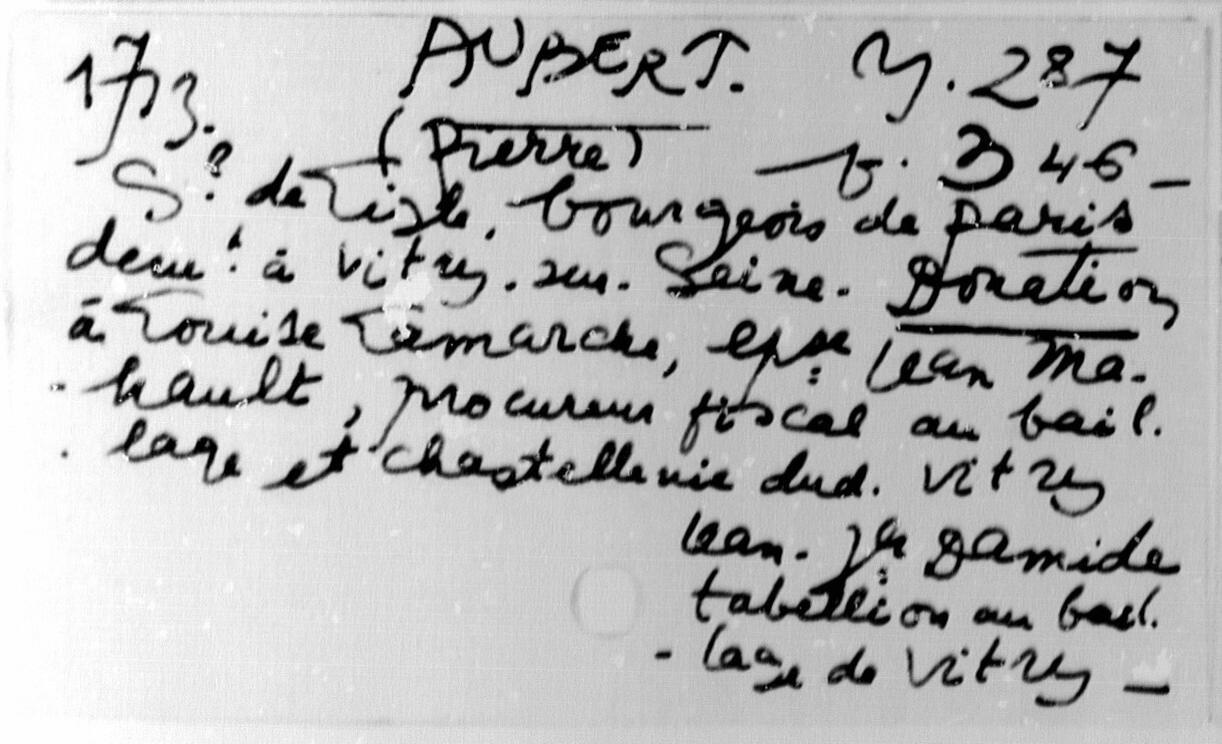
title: AUBERT (Pierre)
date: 1713
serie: Y
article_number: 287
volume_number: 346
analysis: Seigneur de Lisle, bourgeois de Paris, demeurant à Vitry-sur-Seine. Donation à Louis LAMARCHE, épouse Jean MAHAULT, procureur fiscal au bailliage et chapellenie dudit Vitry. Jean-Jacques DAMIDE, tabellion au bailliage de Vitry.
